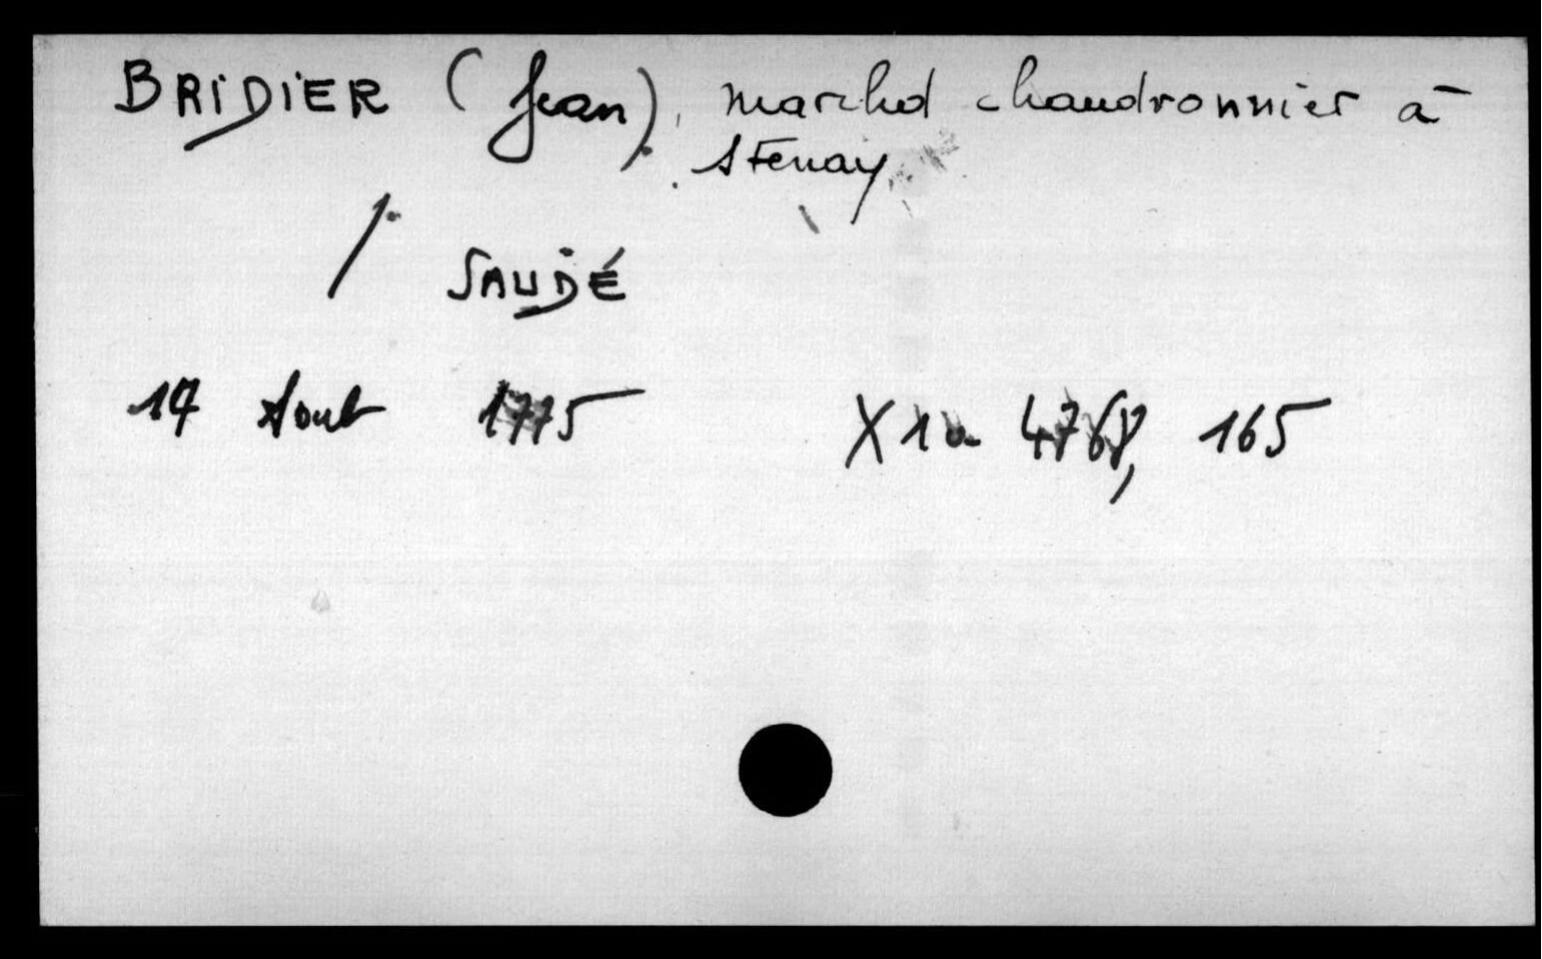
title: BRIDIER (Jean), marchand chaudronnier à Stenay
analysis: Contre SAUDÉ
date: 14 août 1775
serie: X1a
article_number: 4789
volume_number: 165
